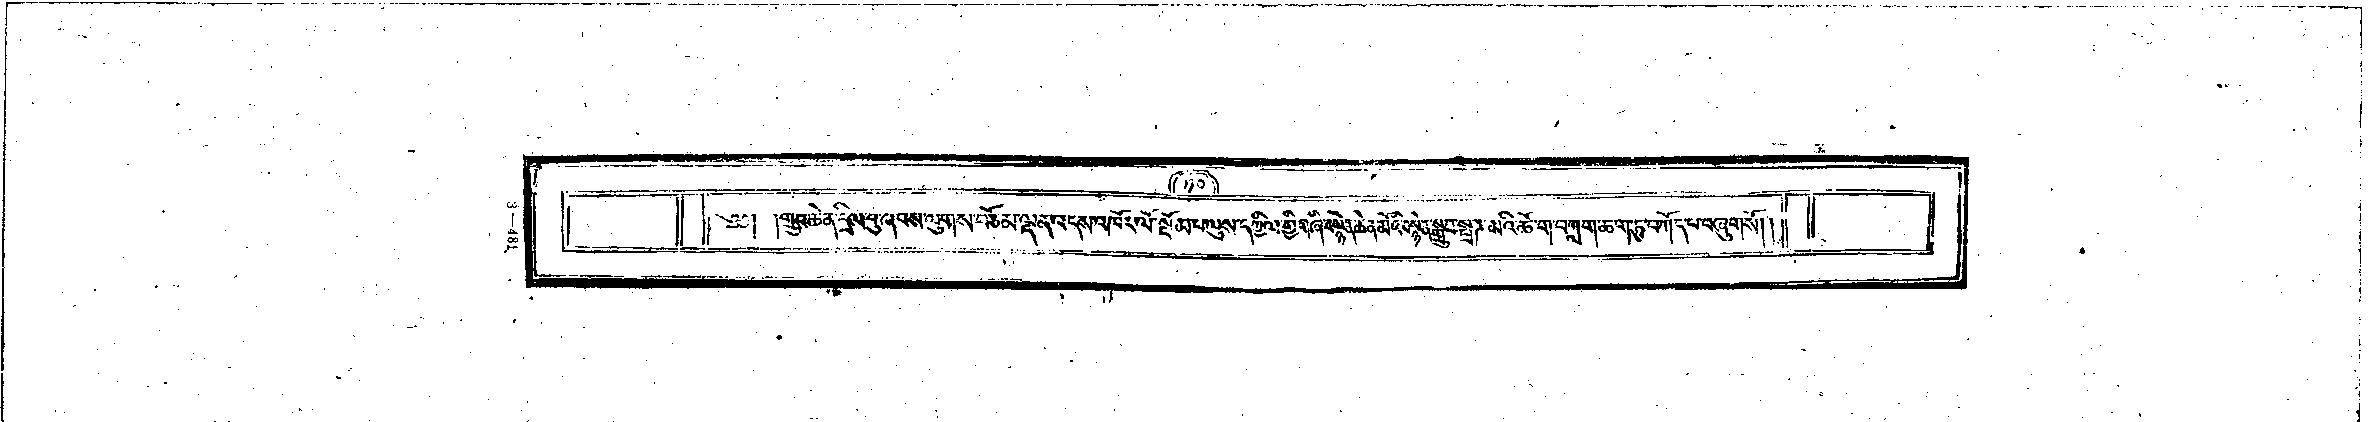༄༅། །གྲུབ་ཆེན་དྲིལ་བུ་ཞབས་ལུགས་བཅོམ་ལྡན་འདས་འཁོར་ལོ་སྡོམ་པ་ལུས་དཀྱིལ་གྱི་གཞི་བསྙེན་ཆེན་མོའི་བསྙེན་སྒྲུབས་པད་མའི་ཆོ་ག་བཀླགས་ཆོག་ཏུ་བཀོད་པ་བཞུགསོ།།